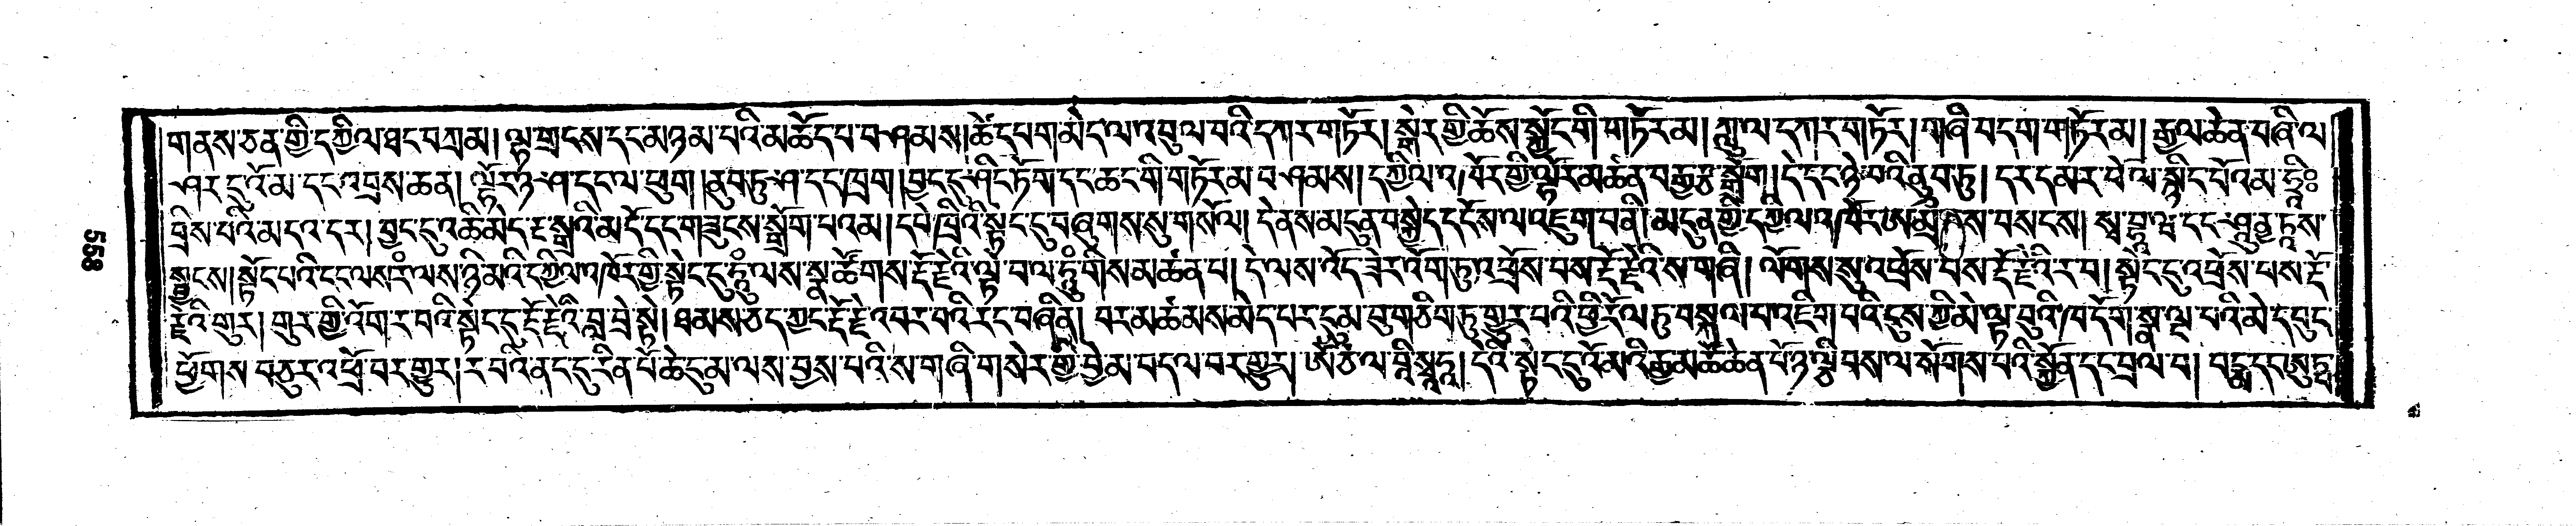གནས་ཅན་གྱི་དཀྱིལ་ཐང་བཀྲམ། ལྷ་གྲངས་དང་མཉམ་པའི་མཆོད་པ་བཤམས། ཚེ་དཔག་མེད་ལ་འབུལ་བའི་དཀར་གཏོར། སྒྲེར་གྱི་ཆོས་སྐྱོང་གི་གཏོར་མ། ཀླུ་ལ་དཀར་གཏོར། གཞི་བདག་གཏོར་མ། རྒྱལ་ཆེན་བཞི་ལ་
ཤར་དུའོ་མ་དང་འབྲས་ཆན། ལྷོར་ཉ་ཤ་དང་ལ་ཕུག །ནུབ་ཏུ་ཤ་དང་ཁྲག །བྱང་དུ་ཤིང་ཏོག་དང་ཆང་གི་གཏོར་མ་བཤམས། དཀྱིལ་འཁོར་གྱི་ལྷོར་མཚན་བརྒྱ་རྩ་སྒྲོག །དེ་དང་ཉེ་བའི་ནུབ་ཏུ། དར་དམར་པོ་ལ་སྙིང་པོའམ་ཧྲཱིཿ
བྲིས་པའི་མདའ་དར། བྱང་དུ་འཆི་མེད་རྡ་སྒྲའི་མདོ་དང་གཟུངས་སྒྲོག་པའམ། དཔེ་ཁྲིའི་སྟེང་དུ་བཞུགས་སུ་གསོལ། དེ་ནས་མདུན་བསྐྱེད་དངོས་ལ་འཇུག་པ་ནི། མདུན་གྱི་དཀྱིལ་འཁོར་ཨྀ་མྲཾ་ཏས་བསངས། སྭ་བྷཱ་ཝ་དང་ཤཱུ་ནྱ་ཏཱས་
སྦྱངས། སྟོང་པའི་ངང་ལས་རཾ་ལས་ཉི་མའི་དཀྱིལ་འཁོར་གྱི་སྟེང་དུ་ཧཱུཾ་ལས་སྣ་ཚོགས་རྡོ་རྗེའི་ལྟེ་བ་ལ་ཧཱུཾ་གིས་མཚན་པ། དེ་ལས་འོད་ཟེར་འོག་ཏུ་འཕྲོས་པས་རྡོ་རྗེའི་ས་གཞི། ལོགས་སུ་འཕྲོས་པས་རྡོ་རྗེའི་ར་བ། སྟེང་དུ་འཕྲོས་པས་རྡོ་
རྗེའི་གུར། གུར་གྱི་འོག་ར་བའི་སྟེང་དུ་རྡོ་རྗེའི་བླ་བྲེ་སྟེ། ཐམས་ཅད་ཀྱང་རྡོ་རྗེ་འབར་བའི་རང་བཞིན། བར་མཚམས་མེད་པར་དུམ་བུ་གཅིག་ཏུ་གྱུར་པའི་ཕྱི་རོལ་ཏུ་བསྐལ་པ་འཇིག་པའི་དུས་ཀྱི་མེ་ལྟ་བུའི་ཁ་དོག་སྣ་ལྔ་པའི་མེ་དཔུང་
ཕྱོགས་བཅུར་འཕྲོ་བར་གྱུར། ར་བའི་ནང་དུ་རིན་པོ་ཆེ་དུ་མ་ལས་བྱས་པའི་ས་གཞི་གསེར་གྱི་བྱེ་མ་བདལ་བར་གྱུར། ཨོཾ་ཙ་ལ་བཱི་སྭཱཧཱ། དེའི་སྟེང་དུ་འོ་མའི་རྒྱ་མཚོ་ཆེན་པོ་ཉ་ལྕིབས་ལ་སོགས་པའི་སྐྱོན་དང་བྲལ་བ། པདམ་དང་ཨུཏྤ་